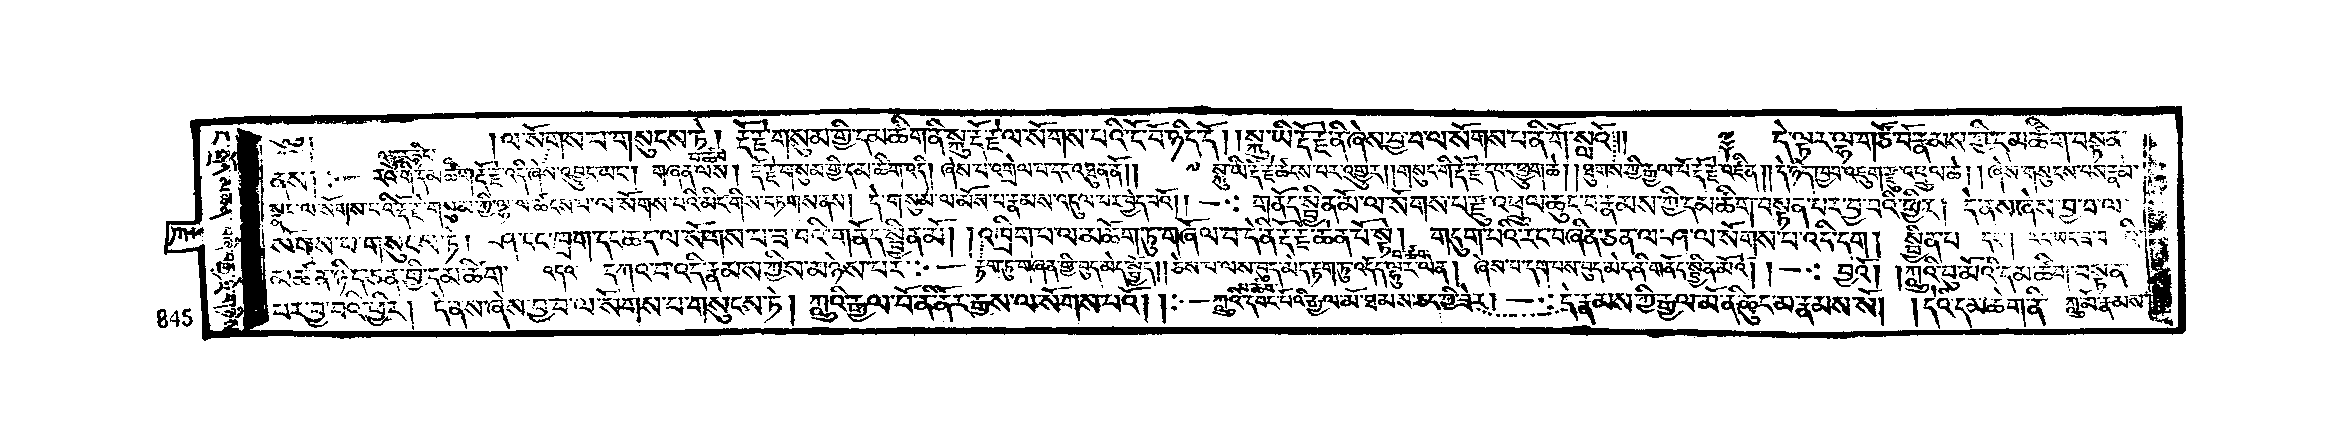༄༅། །ལ་སོགས་པ་གསུངས་ཏེ། རྡོ་རྗེ་གསུམ་གྱི་དམ་ཚིག་ནི་སྐུ་རྡོ་རྗེ་ལ་སོགས་པའི་ངོ་བོ་ཉིད་དོ། །སྐུ་ཡི་རྡོ་རྗེ་ནི་ཞེས་བྱ་བ་ལ་སོགས་པ་ནི་གོ་སླའོ།། ༈ དེ་ལྟར་ལྷ་གཙོ་བོ་རྣམས་ཀྱི་དམ་ཚིག་བསྟན་
ནས། H.་འགྱུར་རྙིང྄་རང་གི་དམ་ཚིག་རྡོ་རྗེ་འདི་ཞེས་འབྱུང་ཡང་། པ་ཚབ྄་གཞན་ལས། རྡོ་རྗེ་གསུམ་གྱི་དམ་ཚིག་འདི། ཞེས་པ་འགྲེལ་པ་དང་མཐུན་ནོ།། ༧་སྐུ་ཡི་རྡོ་རྗེ་ཚངས་པར་འགྱུར། །གསུང་གི་རྡོ་རྗེ་དབང་ཕྱུག་ཆེ། །ཐུགས་ཀྱི་རྒྱལ་པོ་རྡོ་རྗེ་འཛིན། །དེ་ཉིད་ཁྱབ་འཇུག་རྫུ་འཕྲུལ་ཆེ། །ཞེས་གསུངས་པས་རྣམ་
སྣང་ལ་སོགས་པའི་རྡོ་རྗེ་གསུམ་གྱི་ལྷ་ལ་ཚངས་པ་ལ་སོགས་པའི་མིང་གིས་བཏགས་ནས། དེ་གསུམ་ལ་མོས་པ་རྣམས་འདུལ་པར་བྱེད་པའོ། །.H གནོད་སྦྱིན་མོ་ལ་སོགས་པ་རྫུ་འཕྲུལ་ཆུང་བ་རྣམས་ཀྱི་དམ་ཚིག་བསྟན་པར་བྱ་བའི་ཕྱིར། དེ་ནས་ཞེས་བྱ་བ་ལ་
སོགས་པ་གསུངས་ཏེ། ཤ་དང་ཁྲག་དང་ཆང་ལ་སོགས་པ་ཟ་བའི་གནོད་སྦྱིན་མོ། །འཁྲིག་པ་ལ་མཆོག་ཏུ་གཞོལ་བ་དེ་ནི་རྡོ་རྗེ་ཆེན་པོ་སྟེ། གདུག་པའི་རང་བཞིན་ཅན་ལ་ཤ་ལ་སོགས་པ་འདི་དག། སྦྱིན་པ་དང་། རང་ཡང་ཟ་བའི་
མཚན་ཉིད་ཅན་གྱི་དམ་ཚིག་འདའ་དཀའ་བ་འདི་རྣམས་ཀྱིས་མཉེས་པརཿ་རྟག་ཏུ་གཞན་གྱི་བུད་མེད་སྤྱོད། །ཅེས་པ་ལས་བུད་མེད་རྟག་ཏུ་འདོད་ལྷུར་ལེན། པ་ཚབ྄་ཞེས་པ་དག་པས་བུད་མེད་ནི་གནོད་སྦྱིན་མོའོ།  །.H བྱའོ། །ཀླུའི་བུ་མོའི་དམ་ཚིག་བསྟན་
པར་བྱ་བའི་ཕྱིར། དེ་ནས་ཞེས་བྱ་བ་ལ་སོགས་པ་གསུངས་ཏེ། ཀླུའི་རྒྱལ་པོ་ནི་ནོར་རྒྱས་ལ་སོགས་པའོ། །H.་པ་ཚབ྄་ཀླུའི་དབང་པོའི་རྒྱལ་མོ་ཐམས་ཅད་ཀྱི་ཟེར།  .H དེ་རྣམས་ཀྱི་རྒྱལ་མོ་ནི་ཆུང་མ་རྣམས་སོ། །དེའི་དམ་ཚིག་ནི་ཀླུ་མོ་རྣམས་